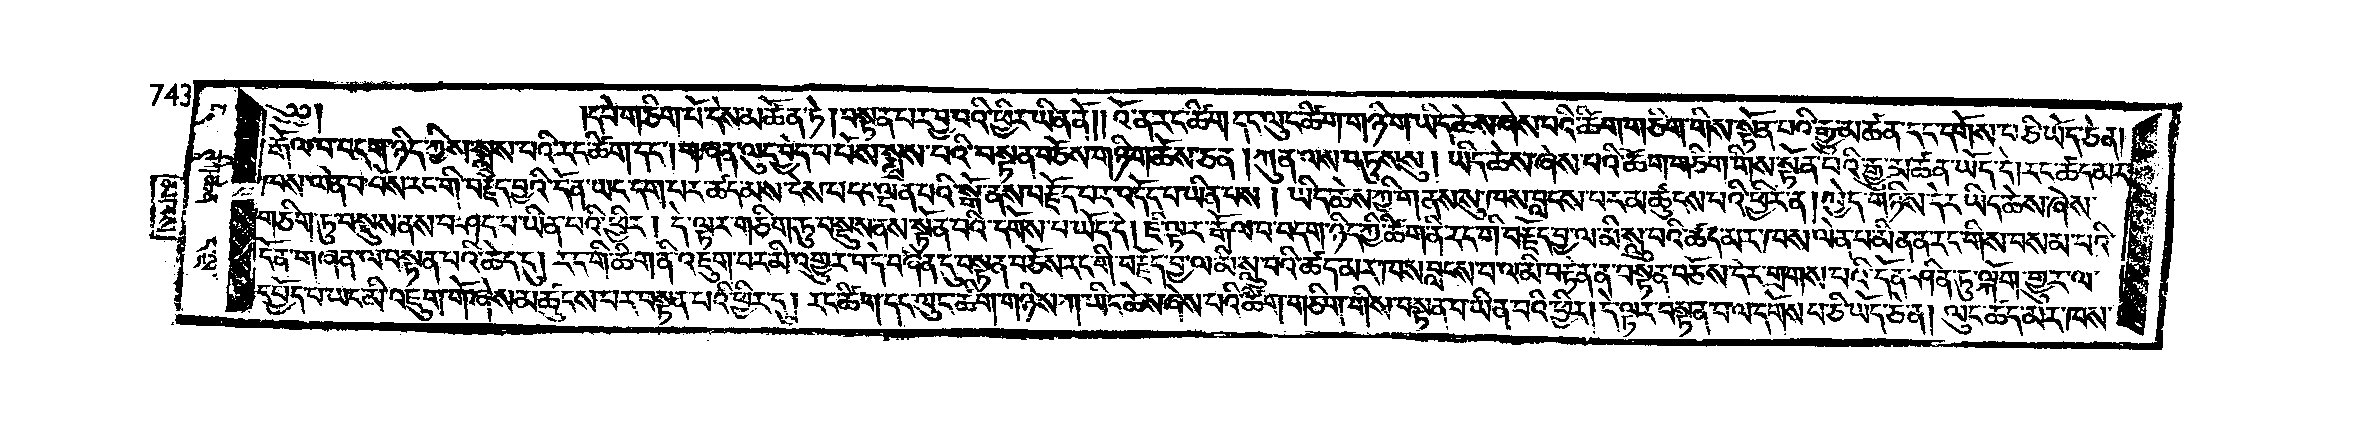༄༅། །དཔེ་གཅིག་པོ་དེས་མཚོན་ཏེ། བསྟན་པར་བྱ་བའི་ཕྱིར་ཡིན་ནོ། །འོ་ན་རང་ཚིག། དང་ལུང་ཚིག་གཉི་ག་ཡིད་ཆེས་ཞེས་པའི་ཚིག་གཅིག་གིས་སྟོན་པའི་རྒྱུ་མཚན་དང་དགོས་པ་ཅི་ཡོད་ཅེ་ན།
རྒོལ་བ་བདག་ཉིད་ཀྱིས་སྨྲས་པའི་རང་ཚིག་དང་། གཞན་ལུང་བྱེད་པ་པོས་སྨྲས་པའི་བསྟན་བཅོས་གཉི་ག་ཆོས་ཅན། ཀུན་ལས་བཏུས་སུ། ཡིད་ཆེས་ཞེས་པའི་ཚིག་གཅིག་གིས་སྟོན་པའི་རྒྱུ་མཚན་ཡོད་དེ། རང་ཚད་མར་
ཁས་ལེན་པ་པོས་རང་གི་བརྗོད་བྱའི་དོན་ཡང་དག་པར་ཚད་མས་ངེས་པ་དང་ལྡན་པའི་སྒོ་ནས་བརྗོད་པར་འདོད་པ་ཡིན་པས། ཡིད་ཆེས་ཀྱི་གནས་སུ་ཁས་བླངས་པར་མཚུངས་པའི་ཕྱིར་ན། ཁྱེད་གཉིས་དེར་ཡིད་ཆེས་ཞེས་
གཅིག་ཏུ་བསྡུས་ནས་བཤད་པ་ཡིན་པའི་ཕྱིར། དེ་ལྟར་གཅིག་ཏུ་བསྡུས་ནས་སྟོན་པའི་དགོས་པ་ཡོད་དེ། ཇི་ལྟར་རྒོལ་བ་བདག་ཉིད་ཀྱི་ཚིག་ནི་རང་གི་བརྗོད་བྱ་ལ་མི་སླུ་བའི་ཚད་མར་ཁས་ལེན་པ་མིན་ན་རང་གིས་བསམ་པའི་
དོན་གཞན་ལ་བསྟན་པའི་ཆེད་དུ། རང་གི་ཚིག་ནི་འཇུག་པར་མི་འགྱུར་བ་དེ་བཞིན་དུ་བསྟན་བཅོས་རང་གི་བརྗོད་བྱ་ལ་མི་སླུ་བའི་ཚད་མར་ཁས་བླངས་པ་ལ་མི་བརྟེན་ན་བསྟན་བཅོས་དེར་གྲགས་པའི་དོན་ཤིན་ཏུ་ལྐོག་གྱུར་ལ་
དཔྱོད་པ་ཡང་མི་འཇུག་གོ་ཞེས་མཚུངས་པར་བསྟན་པའི་ཕྱིར་དུ། རང་ཚིག་དང་ལུང་ཚིག་གཉིས་ཀ་ཡིད་ཆེས་ཞེས་པའི་ཚིག་གཅིག་གིས་བསྟན་པ་ཡིན་པའི་ཕྱིར། དེ་ལྟར་བསྟན་པ་ལ་དགོས་པ་ཅི་ཡོད་ཅེ་ན། ལུང་ཚད་མར་ཁས་